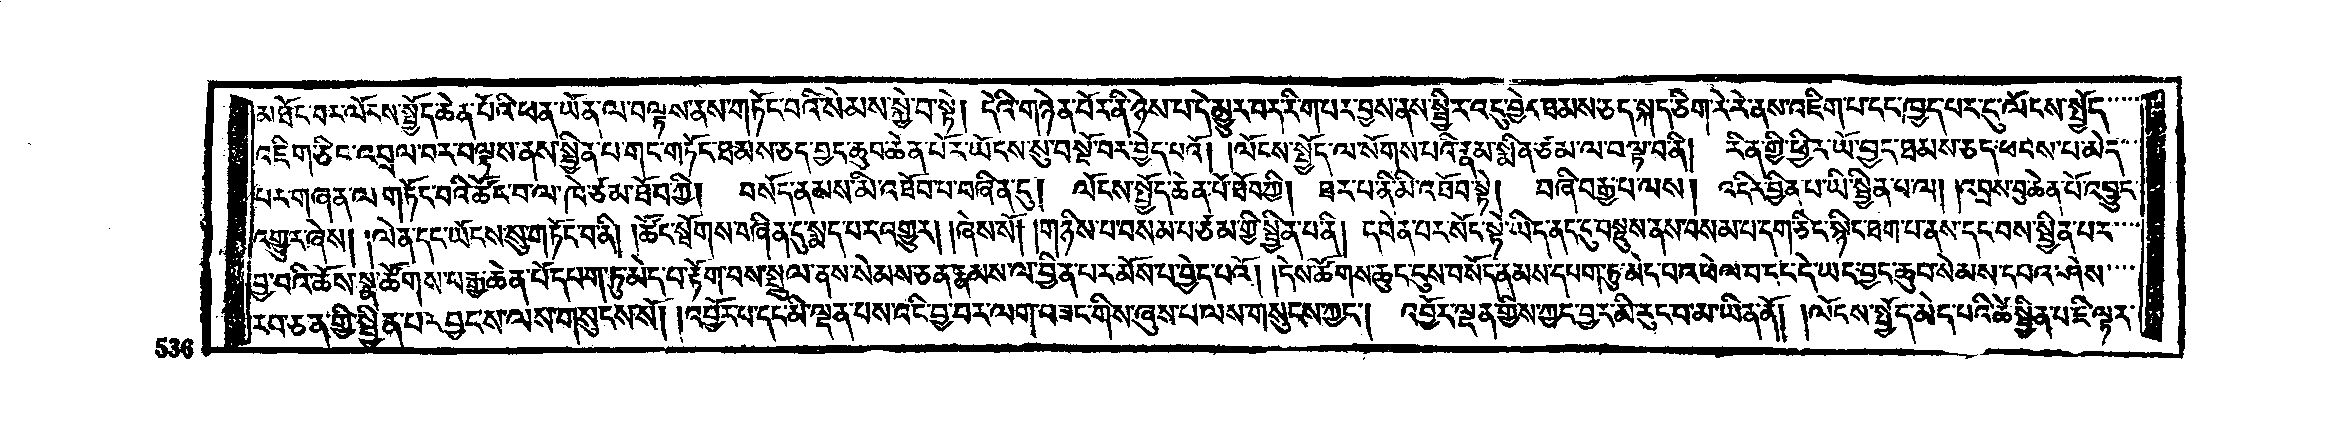མཐོང་བར་ལོངས་སྤྱོད་ཆེན་པོའི་ཕན་ཡོན་ལ་བལྟས་ནས་གཏོང་བའི་སེམས་སྐྱེ་བ་སྟེ། དེའི་གཉེན་པོར་ནི་ཉེས་པ་དེ་མྱུར་བར་རིག་པར་བྱས་ནས་སྤྱིར་འདུ་བྱེད་ཐམས་ཅད་སྐད་ཅིག་རེ་རེ་ནས་འཇིག་པ་དང་ཁྱད་པར་དུ་ལོངས་སྤྱོད་
འཇིག་ཅིང་འབྲལ་བར་བལྟས་ནས་སྦྱིན་པ་གང་གཏོང་ཐམས་ཅད་བྱང་ཆུབ་ཆེན་པོར་ཡོངས་སུ་བསྔོ་བར་བྱེད་པའོ། །ལོངས་སྤྱོད་ལ་སོགས་པའི་རྣམ་སྨིན་ཙམ་ལ་བལྟ་བ་ནི། རིན་གྱི་ཕྱིར་ཡོ་བྱད་ཐམས་ཅད་ཕངས་པ་མེད་
པར་གཞན་ལ་གཏོང་བའི་ཚོང་པ་ལ་ཁེ་ཙམ་ཐོབ་ཀྱི། བསོད་ནམས་མི་འཐོབ་པ་བཞིན་དུ། ལོངས་སྤྱོད་ཆེན་པོ་ཐོབ་ཀྱི། ཐར་པ་ནི་མི་འཐོབ་སྟེ། བཞི་བརྒྱ་པ་ལས། འདིར་བྱིན་པ་ཡི་སྦྱིན་པ་ལ། །འབྲས་བུ་ཆེན་པོ་འབྱུང་
འགྱུར་ཞེས། །ལེན་དང་ཡོངས་སུ་གཏོང་བ་ནི། །ཚོང་སྤོགས་བཞིན་དུ་སྨད་པར་འགྱུར། །ཞེས་སོ། །གཉིས་པ་བསམ་པ་ཙམ་གྱི་སྦྱིན་པ་ནི། དབེན་པར་སོང་སྟེ་ཡིད་ནང་དུ་བསྡུས་ནས་བསམ་པ་དག་ཅིང་སྙིང་ཐག་པ་ནས་དང་བས་སྦྱིན་པར་
བྱ་བའི་ཆོས་སྣ་ཚོགས་པ་རྒྱ་ཆེན་པོ་དཔག་ཏུ་མེད་པ་རྟོག་པས་སྤྲུལ་ནས་སེམས་ཅན་རྣམས་ལ་བྱིན་པར་མོས་པ་བྱེད་པའོ། །དེས་ཚེགས་ཆུང་ངུས་བསོད་ནམས་དཔག་ཏུ་མེད་པ་འཕེལ་བ་དང་དེ་ཡང་བྱང་ཆུབ་སེམས་དཔའ་ཤེས་
རབ་ཅན་གྱི་སྦྱིན་པར་བྱངས་ལས་གསུངས་སོ། །འབྱོར་པ་?་དང་མི་ལྡན་པས་འདི་བྱ་བར་ལག་བཟང་གིས་ཞུས་པ་ལས་གསུངས་ཀྱང་། འབྱོར་ལྡན་གྱིས་ཀྱང་བྱར་མི་རུང་བ་མ་ཡིན་ནོ། །ལོངས་སྤྱོད་མེད་པའི་ཚེ་སྦྱིན་པ་ཇི་ལྟར་